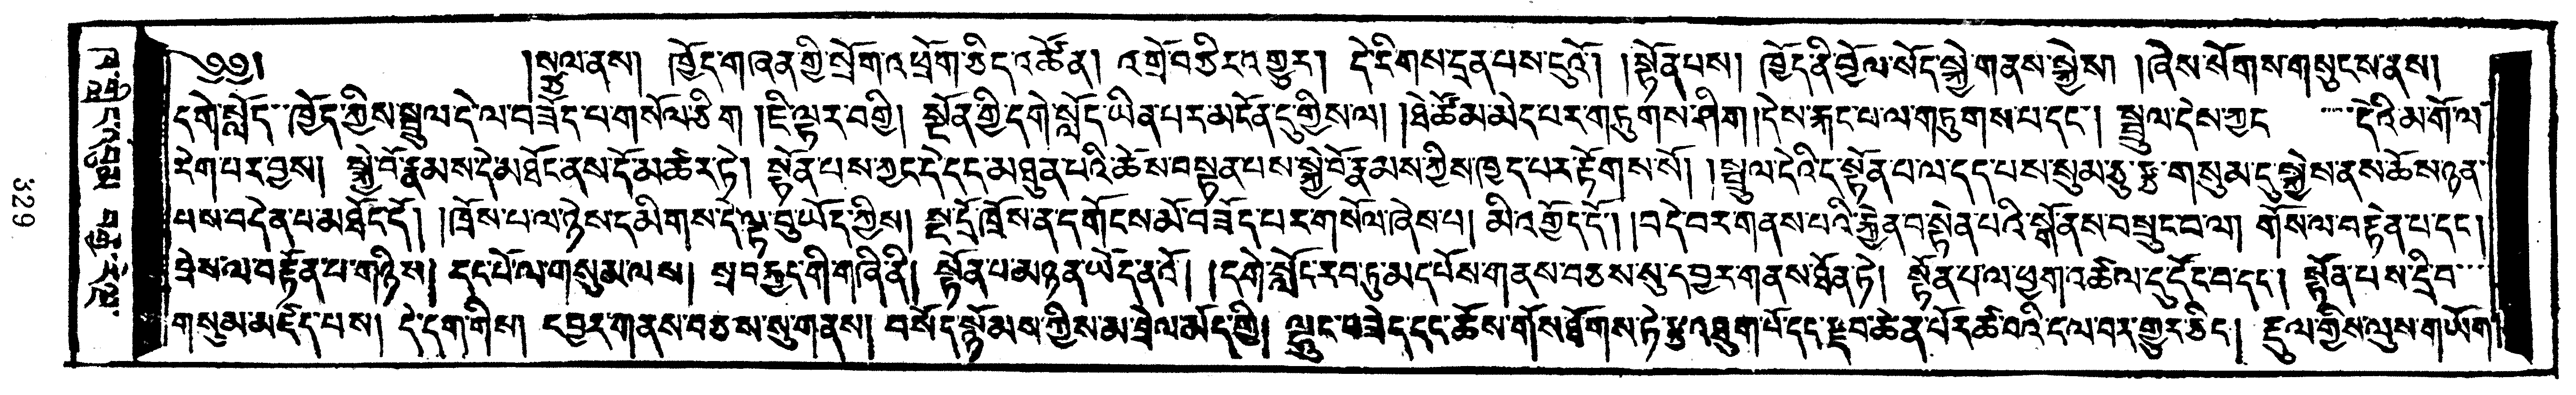༄༅། །སྩལ་ནས། ཁྱོད་གཞན་གྱི་སྲོག་འཕྲོག་ཅིད་འཚོན། འགྲོ་བཅིར་འགྱུར། དེ་རིགས་དྲན་པས་དུའོ། །སྟོན་པས། ཁྱོད་ནི་བྱོལ་སོད་སྐྱེ་གནས་སྐྱེས། །ཞེས་སོགས་གསུངས་ནས།
དགེ་སློང་ཁྱོད་ཀྱིས་སྦྲུལ་དེ་ལ་བཟོད་པ་གསོལ་ཅིག །ཇི་ལྟར་བགྱི། སྔོན་གྱི་དགེ་སློང་ཡིན་པར་མངོན་དུ་གྱིས་ལ། །ཐེ་ཚོམ་མེད་པར་གཏུགས་ཤིག །དེས་རྐང་པ་ལ་གཏུགས་པ་དང་། སྦྲུལ་དེས་ཀྱང་དེའི་མ་གོ་ལ་
རེག་པར་བྱས། སྐྱེ་བོ་རྣམས་དེ་མཐོང་ནས་ངོ་མཚར་ཏེ། སྟོན་པས་ཀྱང་དེ་དང་མཐུན་པའི་ཆོས་བསྟན་པས་སྐྱེ་བོ་རྣམས་ཀྱིས་ཁྱད་པར་རྟོགས་སོ། །སྦྲུལ་དེའི་ད་སྟོན་པ་ལ་དད་པས་སུམ་ཅུ་རྩ་གསུམ་དུ་སྐྱེས་ནས་ཆོས་ཉན་
པས་བདེན་པ་མཐོང་ངོ། །ཁྲོས་པ་ལ་ཉེས་དམིགས་དེ་ལྟ་བུ་ཡོད་ཀྱིས། སྔ་དྲོ་ཁྲོས་ན་དགོངས་མོ་བཟོད་པར་གསོལ་ཞེས་པ། མི་འགྱོད་དོ། །བདེ་བར་གནས་པའི་རྐྱེན་བསྟེན་པའི་སྒོ་ནས་བསྲུང་བ་ལ། གོས་ལ་བརྟེན་པ་དང་།
བྲེས་ལ་བརྟོན་པ་གཉིས། དང་པོ་ལ་གསུམ་ལས། སྲ་བརྐྱད་གི་གཞི་ནི། སྟོན་པ་མཉན་ཡོད་ནའོ། །དགེ་སློང་རབ་ཏུ་མང་པོས་གནས་བཅས་སུ་དབྱར་གནས་ཐོན་ཏེ། སྟོན་པ་ལ་ཕྱག་འཚལ་དུ་དོང་བ་དང་། སྟོན་པས་དྲི་བ་
གསུམ་མཛད་པས། དེ་དག་གིས། དབྱར་གནས་བཅས་སུ་གནས། བསོད་སྙོམས་ཀྱིས་མ་བྲེལ་མོད་གྱི། ལྷུང་བཟེད་དང་ཆོས་གོས་ཐོགས་ཏེ་རྩ་འཐུག་པོ་དང་རྫབ་ཆེན་པོར་ཚ་བའི་ངལ་བར་གྱུར་ཅིང་། རྡུལ་གྱིས་ལུས་གཡོག་